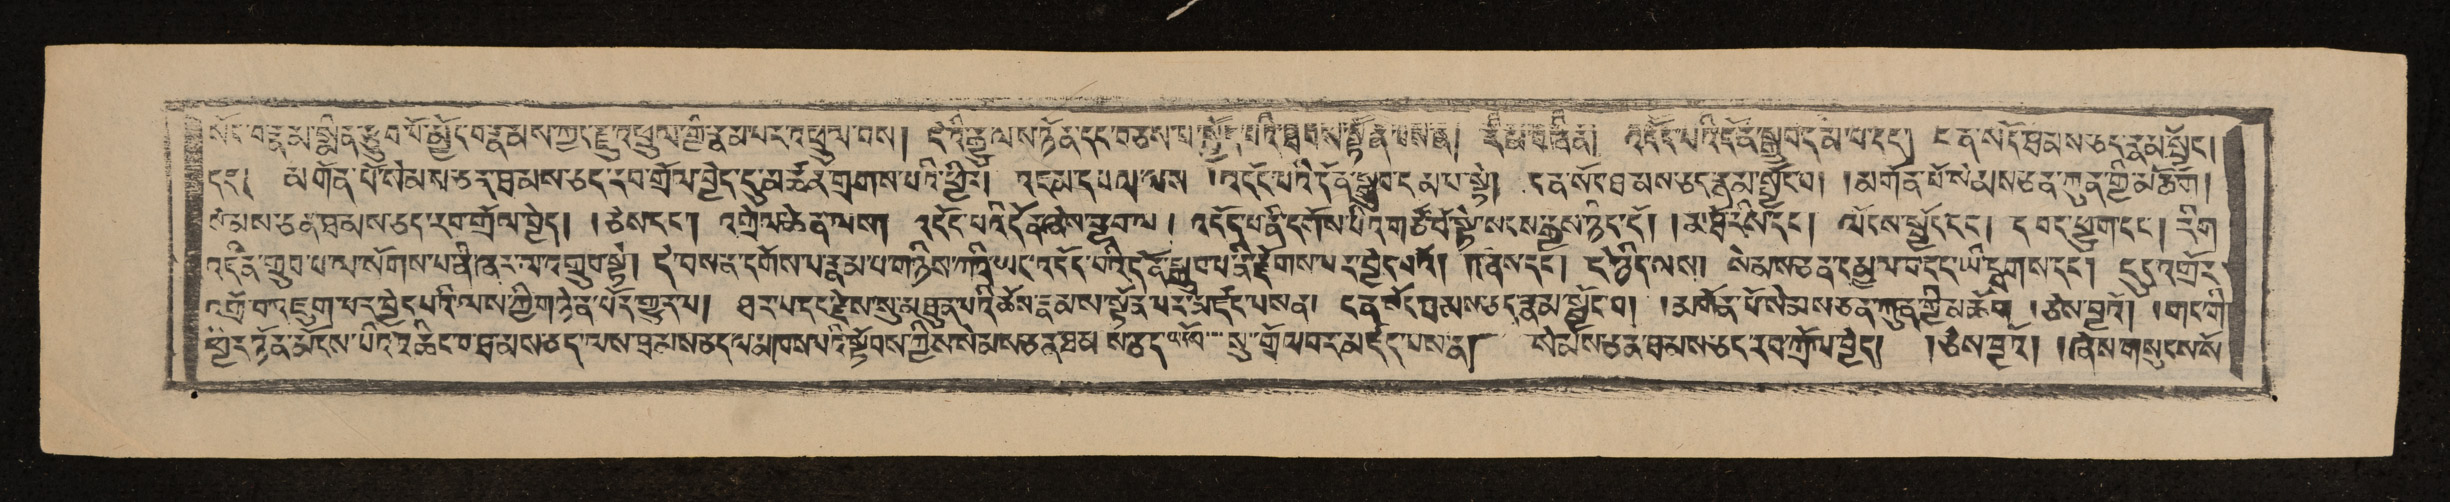སོང་བ་རྣམ་སྨིན་རྩུབ་པོ་མྱོང་པ་རྣམས་ཀྱང་རྫུ་འཕྲུལ་གྱི་རྣམ་པར་འཕྲུལ་བས། དེའི་རྒྱུ་ལས་ཉོན་དང་བཅས་པ་སྤྱོད་པའི་ཐབས་སྟོན་པས་ན། རིམ་བཞིན། འདོད་པའི་དོན་སྒྲུབ་དམ་པ་དང་། ངན་སོང་ཐམས་ཅད་རྣམ་སྦྱོང་
དང༑ མགོན་པོ་སེམས་ཅན་ཐམས་ཅད་རབ་གྲོལ་བྱེད་དུ་མཚན་གྲགས་པའི་ཕྱིར། འཇམ་དཔལ་ལས། འདོད་པའི་དོན་སྒྲུབ་དམ་པ་སྟེ། །ངན་སོང་ཐམས་ཅད་རྣམ་སྦྱོང་བ། །མགོན་པོ་སེམས་ཅན་ཀུན་གྱི་མཆོག །
སེམས་ཅན་ཐམས་ཅད་རབ་གྲོལ་བྱེད། །ཅེས་དང་། འགྲེལ་ཆེན་ལས། འདོད་པའི་དོན་ཞེས་བྱ་བ་ལ། འདོད་པ་ནི་དགོས་པའི་གཙོ་བོ་སྟེ་སངས་རྒྱས་ཉིད་དོ། །མཐོ་རིས་དང་། ལོངས་སྤྱོད་དང་། དབང་ཕྱུག་དང་། རིག་
འཛིན་གྲུབ་པ་ལ་སོགས་པ་ནི་ཞར་ལ་འགྲུབ་སྟེ། དེ་བས་ན་དགོས་པ་རྣམ་པ་གཉིས་ཀའི་ཡང་འདོད་པའི་དོན་སྒྲུབ་པ་ནི་རྫོགས་པར་བྱེད་པའོ། །ཞེས་དང་། དེ་ཉིད་ལས། སེམས་ཅན་དམྱལ་བ་དང་ཡི་དྭགས་དང་། དུད་འགྲོར་
འགྲོ་བ་འཇུག་པར་བྱེད་པའི་ལས་ཀྱི་གཉེན་པོར་གྱུར་པ། ཐར་པ་དང་རྗེས་སུ་མཐུན་པའི་ཆོས་རྣམས་སྟོན་པར་མཛད་པས་ན། ངན་སོང་ཐམས་ཅད་རྣམ་སྦྱོང་བ། །མགོན་པོ་སེམས་ཅན་ཀུན་གྱི་མཆོག །ཅེས་བྱའོ། །གང་གི་
ཕྱིར་ཉོན་མོངས་པའི་འཆིང་བ་ཐམས་ཅད་ལས་ཐམས་ཅད་ལ་མཁས་པའི་སྟོབས་ཀྱིས་སེམས་ཅན་ཐམས་ཅད་ཡོངས་སུ་གྲོལ་བར་མཛད་པས་ན། སེམས་ཅན་ཐམས་ཅད་རབ་གྲོལ་བྱེད། །ཅེས་བྱའོ། །ཞེས་གསུངས་སོ་